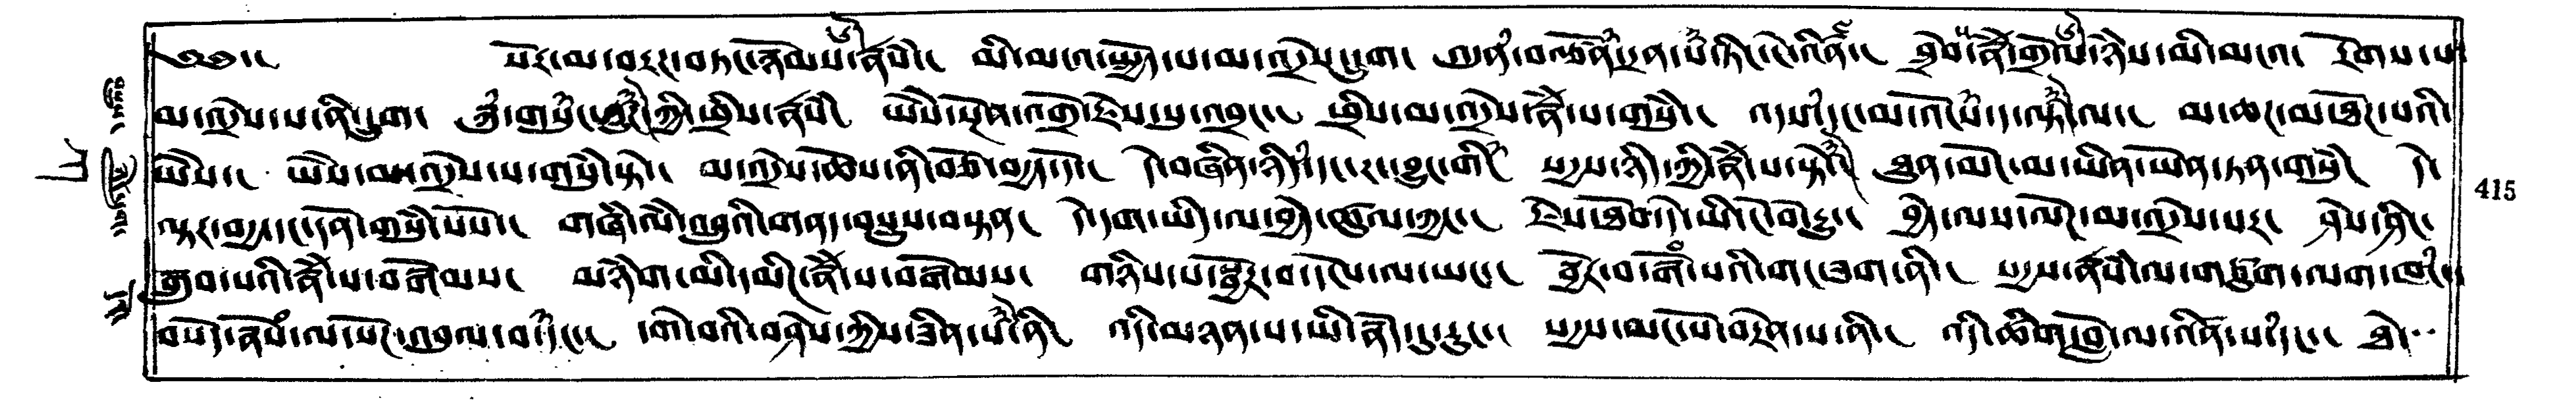སོར་མ་བརྟགས་བཏང་སྙོམས་རྣམས། །མི་མངའ་སྤྱོད་པ་མ་འདྲེས་དྲུག །འདུན་བརྩོན་དྲན་པ་ཏིང་ངེ་འཛིན། །ཤེས་རབ་རྣམ་གྲོལ་ཉམས་མི་མངའ། །རྟོགས་པ་
མ་འདྲེས་པ་ནི་དྲུག །སྐུ་གསུང་ཐུགས་ཀྱི་ཕྲིན་ལས་རྣམས། །ཡེ་ཤེས་སྔོན་འགྲོ་རྗེས་སུ་འབྲང་། །ཕྲིན་ལས་མ་འདྲེས་རྣམ་པ་གསུམ། །འདས་དང་མ་འོངས་ད་ལྟ་ལ། །མ་ཆགས་མ་ཐོགས་པའི་
ཡེ་ཤེས། །ཡེ་ཤེས་མ་འདྲེས་པ་གསུམ་སྟེ། །མ་འདྲེས་ཆོས་ནི་བཅོ་བརྒྱད་དོ། །དེ་བཞིན་ཉིད་དང་རང་བྱུང་གི། །སངས་རྒྱས་ཉིད་ཀྱི་རྣམ་པ་སྟེ། །ཐུན་མོང་མ་ཡིན་ཡོན་ཏན་གསུམ། །དེ་
ལྟར་བརྒྱ་དང་དོན་གསུུམ་པོས། །གཞི་ལམ་འབྲས་བུའི་གནད་བསྡུས་བསྟན། །དེ་དག་ཡིད་ལ་བྱེད་ཚུལ་ཡང་། །རྗེས་ཐོབ་དེ་ཡི་ངོ་བོ་རྒྱུ། །བྱེད་ལས་ལ་སོགས་མ་འདྲེས་པར། །ཤེས་ཤིང་
སྒྲུབ་པའི་རྣམ་པ་བསྒོམས། །མཉམ་བཞག་མི་དམིགས་རྣམ་པ་བསྒོམས། །གཉིས་པ་སྦྱོར་བ་དངོས་ལ་ཡང་། །སྦྱོར་བ་སྒོམ་པའི་གང་ཟག་ནི། །སངས་རྒྱས་རྣམས་ལ་གཙུག་ལག་ཁང་། །
བསོད་སྙོམས་ལ་སོགས་འབུལ་བ་དང་། །དགེ་བའི་བཤེས་ཀྱིས་ཟིན་པ་ནི། །འདི་མཉན་པ་ཡི་སྣོད་དུ་རུང་། །སངས་རྒྱས་མང་པོ་བསྟེན་པ་ནི། །འདི་ཚིག་བློ་ལ་འཛིན་པ་དང་། །ཐེ་